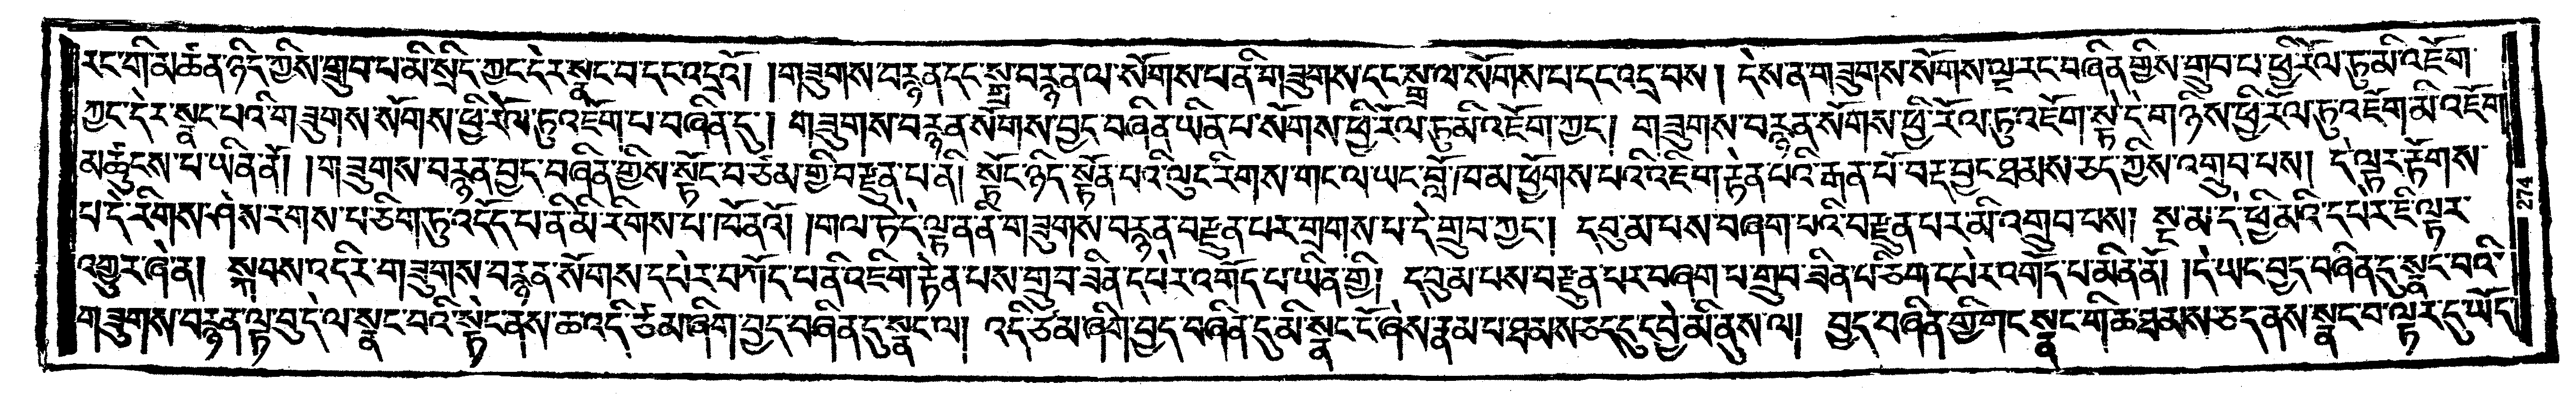རང་གི་མཚན་ཉིད་ཀྱིས་གྲུབ་པ་ནི་སྲིད་ཀྱང་དེར་སྣང་བ་དང་འདྲའོ། །གཟུགས་བརྙན་དང་སྒྲ་བརྙན་ལ་སོགས་པ་ནི་གཟུགས་དང་སྒྲ་ལ་སོགས་པ་དང་འདྲ་བས། དེས་ན་གཟུགས་སོགས་ལྔ་རང་བཞིན་གྱིས་གྲུབ་པ་ཕྱི་རོལ་ཏུ་མི་འཇོག་
ཀྱང་དེར་སྣང་བའི་གཟུགས་སོགས་ཕྱི་རོལ་ཏུ་འཇོག་པ་བཞིན་དུ། གཟུགས་བརྙན་སོགས་བྱད་བཞིན་ཡིན་པ་སོགས་ཕྱི་རོལ་ཏུ་མི་འཇོག་ཀྱང་། གཟུགས་བརྙན་སོགས་ཕྱི་རོལ་ཏུ་འཇོག་སྟེ་དེ་གཉིས་ཕྱི་རོལ་ཏུ་འཇོག་མི་འཇོག་
མཚུངས་པ་ཡིན་ནོ། །གཟུགས་བརྙན་བྱད་བཞིན་གྱིས་སྟོང་པ་ཙམ་གྱི་བརྫུན་པ་ནི། སྟོང་ཉིད་སྟོན་པའི་ལུང་རིགས་གང་ལ་ཡང་བློ་ཁ་མ་ཕྱོགས་པའི་འཇིག་རྟེན་པའི་རྒན་པོ་བརྡ་བྱང་ཐམས་ཅད་ཀྱིས་འགྲུབ་པས། དེ་ལྟར་རྟོགས་
པ་དེ་རིགས་ཤེས་རགས་པ་ཅིག་ཏུ་འདོད་པ་ནི་མི་རིགས་པ་ཁོ་ནའོ། །གལ་ཏེ་དེ་ལྟ་ན་ནི་གཟུགས་བརྙན་བརྫུན་པར་གྲགས་པ་དེ་གྲུབ་ཀྱང་། དབུ་མ་པས་བཞག་པའི་བརྫུན་པར་མི་འགྲུབ་པས། སྔ་མ་དེ་ཕྱི་མའི་དཔེར་ཇི་ལྟར་
འགྱུར་ཞེ་ན། སྐབས་འདིར་གཟུགས་བརྙན་སོགས་དཔེར་བཀོད་པ་ནི་འཇིག་རྟེན་པས་གྲུབ་ཟིན་དཔེར་འགོད་པ་ཡིན་གྱི། དབུ་མ་པས་བརྫུན་པར་བཞག་པ་གྲུབ་ཟིན་པ་ཅིག་དཔེར་འགོད་པ་མིན་ནོ། །དེ་ཡང་བྱད་བཞིན་དུ་སྣང་བའི་
གཟུགས་བརྙན་ལྟ་བུ་དེ་ལ་སྣང་བའི་སྟེང་ནས་ཆ་འདི་ཙམ་ཞིག་བྱད་བཞིན་དུ་སྣང་ལ། འདི་ཙམ་ཞིག་བྱད་བཞིན་དུ་མི་སྣང་ངོ་ཞེས་རྣམ་པ་ཐམས་ཅད་དུ་དབྱེ་མི་ནུས་ལ། བྱད་བཞིན་གྱི་གང་སྣང་གི་ཆ་ཐམས་ཅད་ནས་སྣང་བ་ལྟར་དུ་ཡོད་